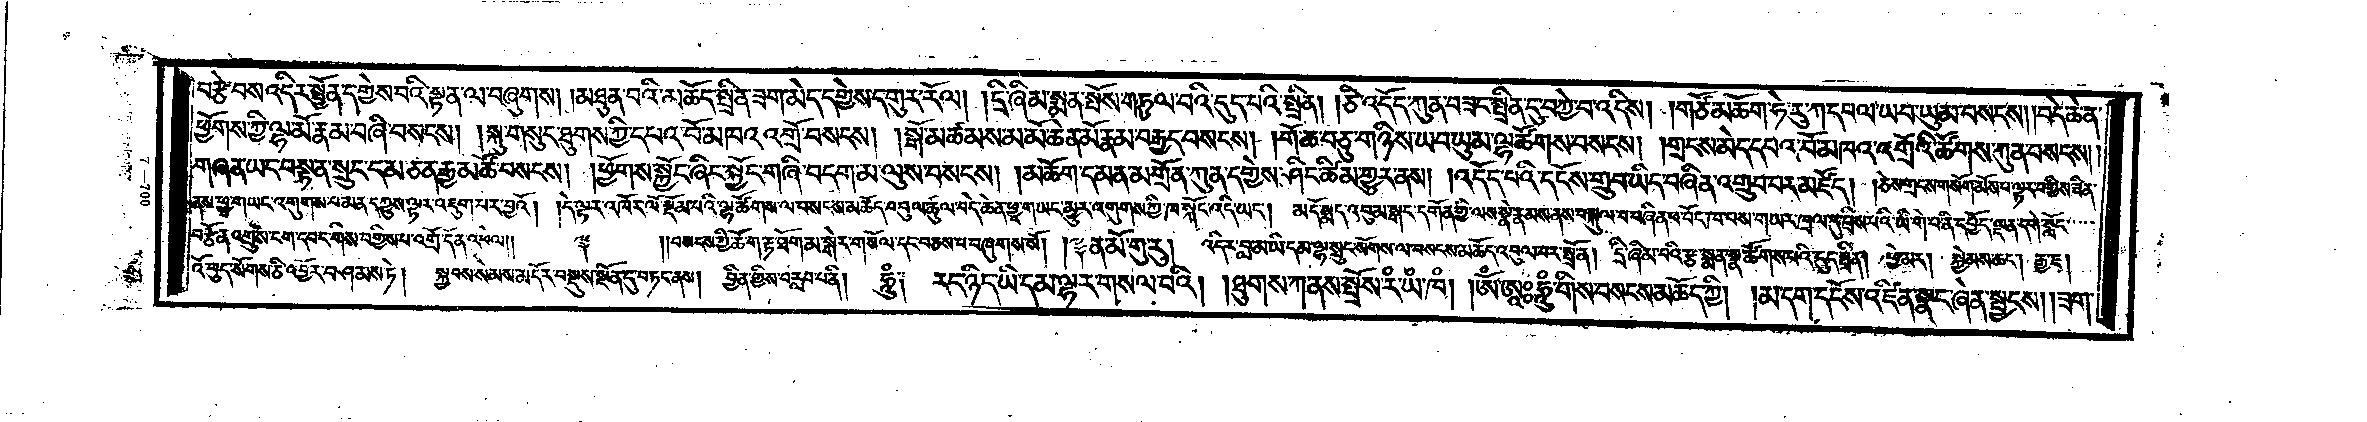བཏྲྯེ་བས་འདིར་སྦྱོན་དགྱེས་པའི་སྟན་ལ་བཞུགས། །མཐུན་པའི་མཆོད་སྤྲིན་ཟག་མེད་དགྱེས་དགུར་རོལ། །དྲི་ཞིམ་སྨན་སྤོས་བཏུལ་པའི་དུད་པའི་སྤྲིན། །ཅི་འདོད་ཀུན་བཟང་སྤྲིན་དུ་བཀྱེ་བ་འདིས། །གཙོ་མཆོག་ཧེ་རུ་ཀ་དཔལ་ཡབ་ཡུམ་བསངས། །བདེ་ཆེན་
ཕྱོགས་ཀྱི་ལྷ་མོ་རྣམ་བཞི་བསངས། །སྐུ་གསུང་ཐུགས་ཀྱི་དཔའ་བོ་མཁའ་གྲོ་བསངས། །སྒོ་མཚམས་མ་མོ་ཆེན་མོ་རྣམ་བརྒྱད་བསངས། །གོ་ཆ་བཅུ་གཉིས་ཡབ་ཡུམ་ལྷ་ཚོགས་བསངས། །གྲངས་མེད་དཔའ་བོ་མཁའ་འགྲོའི་ཚོགས་ཀུན་བསངས།།
གཞན་ཡང་བསྟན་སྲུང་དམ་ཅན་རྒྱ་མཚོ་བསངས། །ཕྱོགས་སྐྱོང་གཞི་བདག་མ་ལུས་བསངས། །མཆོད་དམན་མགྲོན་ཀུན་དགྱེས་ཤིང་ཚིམ་གྱུར་ནས། །འདོད་པའི་དངོས་གྲུབ་ཡིད་བཞིན་འགྲུབ་བར་མཛོད། །ཅེས་གངས་གསོག་མོས་བ་ལྟར་བགྱིས་ཟིན་
ནས་ཕྱག་གཡང་འགུགས་པ་མན་དཀྱུས་ལྟར་འཇུག་པར་བྱའོ། །དེ་ལྟར་འཁོར་ལོ་སྡོམ་པའི་ལྷ་ཏོག་སླ་བསངས་མཆོད་འབུལ་ཚུལ་བདེ་ཆེན་ཕག་གཡང་མྱུར་འགུགས་ཀྱི་ཁ་སྐོང་འདི་ཡང་། །དོ་སྨད་འབུམ་སྐང་དགོན་གྱི་ལས་སྣེ་རྣམས་ནས་བསྐུལ་བ་བཞིན་ཕ་བོང་ཁ་པས་གཡར་ཁྲལ་དུ་བྲིས་པའི་ཡི་གེ་བ་ནི་དཔྱོད་ལྡན་དགེ་སློང་
བརྩོན་འགྲུས་ངག་དབང་གིས་བགྱིས་པ་འགྲོ་དོན་འཕེལ།། ༈ །།བསངས་ཀྱི་ཆོ་ག་རྟ་ཐག་མ་སྒེར་གསོལ་དང་བས་བཞུགས་སོ། །༈ ན་མོ་གུ་རུ། འདིར་བླ་མ་ཡི་དམ་ལྷ་སྲུང་སོགས་ལ་བླངས་མཆོད་འབུལ་བར་སྤྲེན། དྲི་ཞིམ་པའི་རྩི་སྨན་ན་ཚོགས་པའི་དུད་སྦྲིན། །ཕེ་མར། སྐྱེམས་ཆང་། རྒྱ་ཇ།
འོ་ཕུད་སོགས་ཅི་འབྱོར་བཤམས་ཏེ། སྐྱམས་སེམས་མདོར་བསྡུས་སྔོན་དུ་བཏང་ནས། བྱིན་གྱིས་བརླབ་པ་ནི། ཧཱུཾ༑ རང་ཉིད་ཡི་དམ་ལྷར་གསལ་པའི། །ཐུགས་ཀ་ནས་སྤྲོས་རཾ་ཡཾ་ཁཾ། །ཨོཾ་ཨཱཿཧཱུཾ་གིས་བསངས་མཆོག་ཀྱི། །མ་དག་དངོས་འཛིན་སྣང་ཞེན་སྦྱངས། །ཟག་